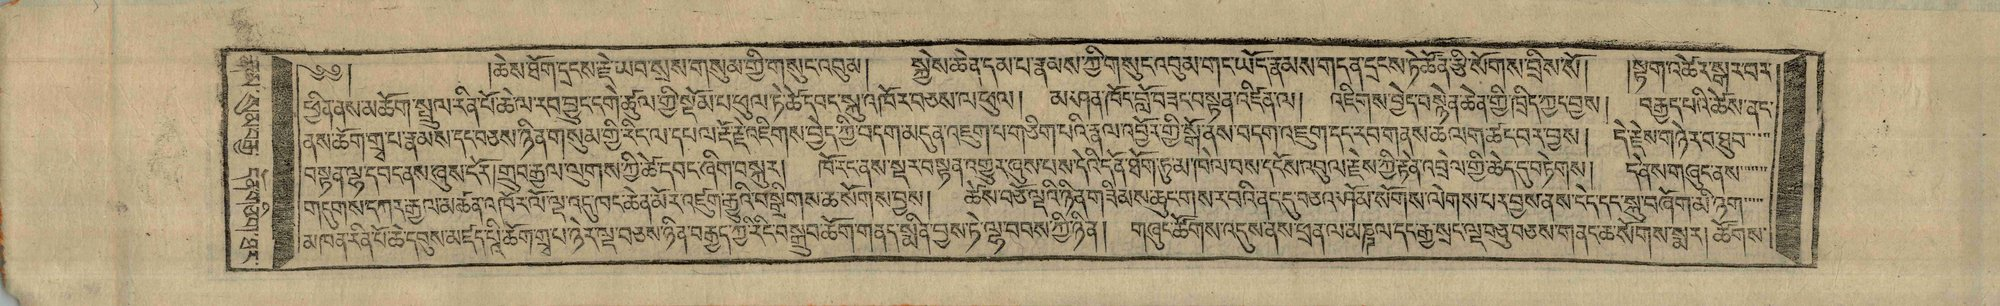༄༅། །ཆེས་ཐོག་དྲངས་རྗེ་ཡབ་སྲས་གསུམ་གྱི་གསུང་འབུམ། སྐྱེས་ཆེན་དམ་པ་རྣམས་ཀྱི་གསུང་འབུམ་གང་ཡོད་རྣམས་གདན་དྲངས་ཏེ་ཚོན་རྩི་སོགས་བྲིས་སོ། །སྟག་འཚེར་སྒར་བར་
ཕྱིན་ནས་མཆོག་སྤྲུལ་རིན་པོ་ཆེ་ལ་རབ་བྱུང་དགེ་ཚུལ་གྱི་སྡོམ་པ་ཕུལ་ཏེ་ཚེ་དབང་སྐུ་འཁོར་བཅས་ལ་ཕུལ། མ་ཤན་ཁོང་བློ་བཟང་བསྟན་འཛིན་ལ། འཇིགས་བྱེད་བསྙེན་ཆེན་གྱི་ཁྲིད་ཀྱང་བྱས། བརྒྱད་པའི་ཚེས་ནང་
ནས་ཆོག་གྲྭ་པ་རྣམས་དང་བཅས་ཉིན་གསུམ་གྱི་རིང་ལ་དཔལ་རྡོ་རྗེ་འཇིགས་བྱེད་ཀྱི་བདག་མདུན་འཇུག་པ་གཅིག་པའི་རྣལ་འབྱོར་གྱི་སྒོ་ནས་བདག་འཇུག་དང་རབ་གནས་ཆ་ལག་ཚང་བར་བྱས། དེ་རྗེས་གཉེར་བ་ཐུབ་
བསྟན་ལྷ་དབང་ནས་ཞུས་ངོར། གྲུབ་རྒྱལ་ལུགས་ཀྱི་ཚེ་དབང་ཞིག་བསྐུར། ཁོ་རང་ནས་སྔར་བསྟན་འགྱུར་ཞུས་པས་དེའི་དོན་ཐོག་ཏུ་མ་ཁེལ་བས་དངོས་འབུལ་རྗེས་ཀྱི་རྟེན་འབྲེལ་གྱི་ཆེད་དུ་བཏེགས། དེ་ནས་གཞུང་ནས་
གདུགས་དཀར་རྒྱལ་མཚན་འཁོར་ལོ་ལྔ་འདུ་ཁང་ཆེན་མོར་འཛུག་རྒྱུའི་བསྒྲིགས་ཆ་སོགས་བྱས། ཚེས་བཅོ་ལྔའི་ཉིན་གཟིམས་ཆུང་གསར་བའི་ནང་དུ་བཅའ་ཤོམ་སོགས་ལེགས་པར་བྱས་ནས་ངེད་དང་སྐུ་བཞོག་མི་ཉག་
མཁན་རིན་པོ་ཆེ་དབུས་མཛད་པཱི་ཆོག་གྲྭ་པ་ཉེར་ལྔ་བཅས་ཉིན་བརྒྱད་ཀྱི་རིང་བསྒྲུབ་ཆོག་གནད་སྨིན་བྱས་ཏེ་ལྷ་བབས་ཀྱི་ཉིན། གཞུང་ཚོགས་འདུས་ནས་ཕྲན་ལ་མཎྜལ་དང་རྒྱ་སྲང་ལྔ་བཅུ་བཅས་གནང་ཆ་སོགས་སྨར། ཚོགས་